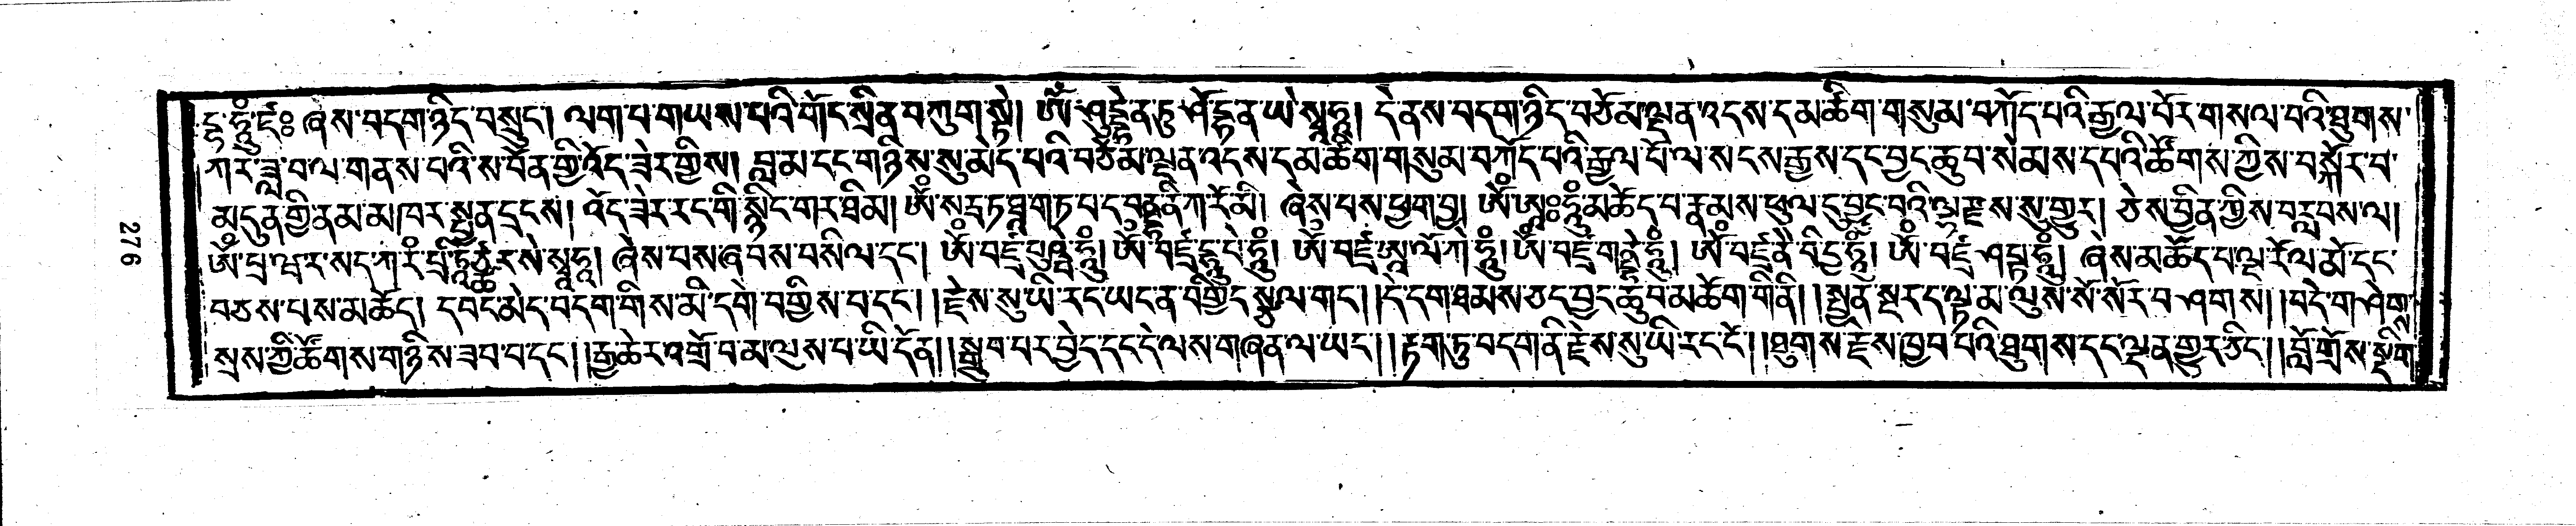དྷ་ཧཱུཾ་ཛཿ ཞེས་བདག་ཉིད་བསྲུང་། ལག་པ་གཡས་པའི་གོང་སྲིན་བཀུག་སྟེ། ཨོཾ་ཤུདྡྷེ་ན་ཏུ་ཤོ་དྷ་ན་ཡ་སྭཱཧཱ། དེ་ནས་བདག་ཉིད་བཅོམ་ལྡན་འདས་དམ་ཚིག་གསུམ་བཀོད་པའི་རྒྱལ་པོར་གསལ་བའི་ཐུགས་
ཀར་ཟླ་བ་ལ་གནས་པའི་ས་བོན་གྱི་འོད་ཟེར་གྱིས། བླ་མ་དང་གཉིས་སུ་མེད་པའི་བཅོམ་ལྡན་འདས་དམ་ཚིག་གསུམ་བཀོད་པའི་རྒྱལ་པོ་ལ་སངས་རྒྱས་དང་བྱང་ཆུབ་སེམས་དཔའི་ཚོགས་ཀྱིས་བསྐོར་བ་
མདུན་གྱི་ནམ་མཁར་སྤྱན་དྲངས། འོད་ཟེར་རང་གི་སྙིང་གར་ཐིམ། ཨོཾ་སརྦ་ཏ་ཐཱ་ག་ཏ་པ་ད་བནྡྷ་ནཾ་ཀ་རོ་མི། ཞེས་པས་ཕྱག་བྱ། ཨོཾ་ཨཱཿ ཧཱུཾ་མཆོད་པ་རྣམས་ཕུལ་དུ་བྱུང་བའི་ལྷ་རྫས་སུ་གྱུར། ཅེས་བྱིན་གྱིས་བརླབས་ལ།
ཨོཾ་པྲ་ཝ་ར་སང་ཀ་རཾ་པྲ་ཏཱིཙྪ་ར་སེ་སྭཱཧཱ། ཞེས་པས་ཞབས་བསིལ་དང་། ཨོཾ་བཛྲ་པུཥྤེ་ཧཱུཾ། ཨོཾ་བཛྲ་དྷཱུ་པེ་ཧཱུཾ། ཨོཾ་བཛྲ་ཨཱ་ལོ་ཀེ་ཧཱུཾ། ཨོཾ་བཛྲ་གནྡྷེ་ཧཱུཾ། ཨོཾ་བཛྲ་ནཻ་བི་དྱ་ཧཱུཾ། ཨོཾ་བཛྲ་ཤཔྟ་ཧཱུཾ། ཞེས་མཆོད་པ་ལྔ་རོལ་མོ་དང་
བཅས་པས་མཆོད། དབང་མེད་བདག་གིས་མི་དགེ་བགྱིས་པ་དང་། །རྗེས་སུ་ཡི་རང་ཡང་ན་བགྱིད་སྩལ་གང་། །དེ་དག་ཐམས་ཅད་བྱང་ཆུབ་མཆོག་གི་ནི། །སྤྱན་སྔར་ད་ལྟ་མ་ལུས་སོ་སོར་བཤགས། །བདེ་གཤེགས་
སྲས་ཀྱི་ཚོགས་གཉིས་ཟབ་པ་དང་། །རྒྱ་ཆེར་འགྲོ་བ་མ་ལུས་པ་ཡི་དོན། །སྒྲུབ་པར་བྱེད་དང་དེ་ལས་གཞན་ལ་ཡང་། །རྟག་ཏུ་བདག་ནི་རྗེས་སུ་ཡི་རང་ངོ། །ཐུགས་རྗེས་ཁྱབ་པའི་ཐུགས་དང་ལྡན་མགྱུར་ཅིང་། །བློ་གྲོས་སྡིག་